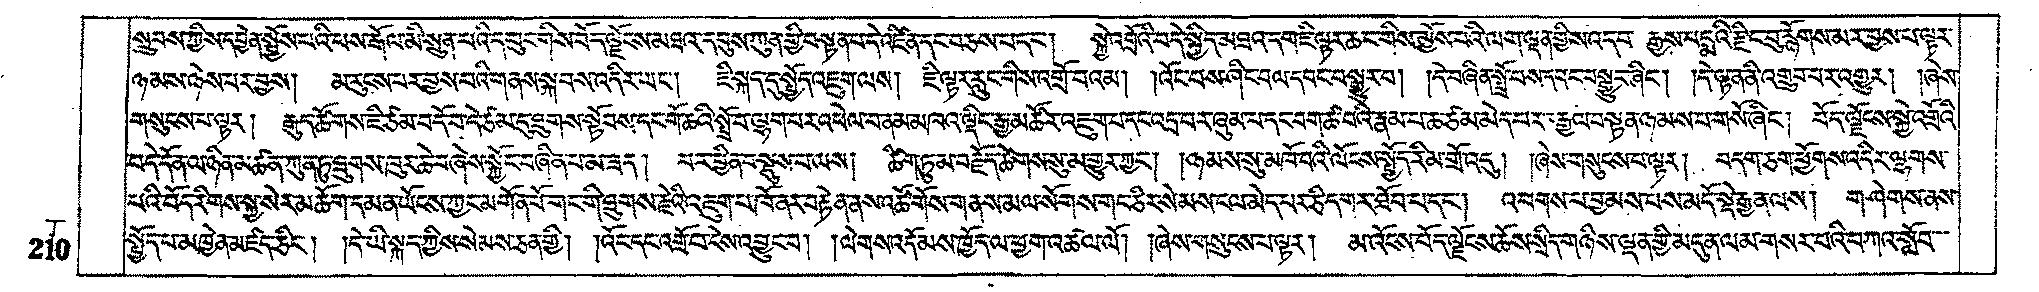སྲུབས་ཀྱིས་དབྱེན་སྤྱོས་པའི་ཕས་རྒོལ་མི་སྲུན་པའི་དཔུང་གིས་བོད་ལྗོངས་མཐའ་དབུས་ཀུན་གྱི་བསྟན་པ་དེ་འཛིན་དང་བཅས་པ་དང་། སྐྱེ་འགྲོའི་བདེ་སྐྱིད་མཐའ་དག་ཇི་ལྟར་ཆང་གིས་མྱོས་པའི་ལག་ལྡན་གྱིས་འདབ་རྒྱས་པདམའི་རྫིང་བུ་རྙོགས་མར་བྱས་པ་ལྟར་
ཉམས་ཉེས་པར་བྱས། མ་རུངས་པར་བྱས་པའི་གནས་སྐབས་འདིར་ཡང་། ཇི་སྐད་དུ་སྤྱོད་འཇུག་ལས། ཇི་ལྟར་རླུང་གིས་འགྲོ་བའམ། །འོང་བས་ཤིང་བལ་དབང་བསྒྱུར་བ། །དེ་བཞིན་སྤྲོ་བས་དབང་བསྒྱུར་ཞིང་། །དེ་ལྟ་ན་ནི་འགྲུབ་པར་འགྱུར། །ཞེས་
གསུངས་པ་ལྟར། རྒུད་ཚོགས་ཇི་ཙམ་བདོ་བ་དེ་ཙམ་དུ་ཐུགས་སྟོབས་དང་གོ་ཆའི་སྤྲོ་བ་ལྷག་པར་འཕེལ་བ་ནམ་མཁའི་ལྡིང་རྒྱ་མཚོར་འཇུག་པ་དང་འདྲ་བར་ཞུམ་པ་དང་བག་ཚ་བའི་རྣམ་པ་ཆ་ཙམ་མེད་པར ༧རྒྱལ་བསྟན་ཉམས་པ་གསོ་ཞིང་། བོད་ལྗོངས་སྐྱེ་འགྲོའི་
བདེ་དོན་ལ་ཉིན་མཚན་ཀུན་ཏུ་ཐུགས་ཁུར་ཆེ་བཞེས་སྐྱོང་བཞིན་པ་མ་ཟད། ཕར་ཕྱིན་བསྡུས་པ་ལས། ཚིག་ཏུ་མ་བརྗོད་ཚེགས་སུ་མ་གྱུར་ཀྱང་། །ཉམས་སུ་མཁོ་བའི་ལོངས་སྤྱོད་རིམ་གྲོ་འདུ། །ཞེས་གསུངས་པ་ལྟར། བདག་ཅག་ཕྱོགས་འདིར་ལྷགས་
པའི་བོད་རིགས་སྐྱ་སེར་མཆོག་དམན་ཡོངས་ཀྱང་མགོན་པོ་གང་གི་ཐུགས་རྗེའི་འཇུག་པ་ཁོ་ནར་བརྟེན་ནས་འཚོ་གོས་གནས་མལ་སོགས་གང་ཅིར་སེམས་ངལ་མེད་པར་ཅི་དགར་ཐོབ་པ་དང་། འཕགས་པ་བྱམས་པས་མདོ་སྡེ་རྒྱན་ལས། གཤེགས་ནས་
སྤྱོད་པ་མཁྱེན་མཛད་ཅིང་། །དེ་ཡི་སྐད་ཀྱིས་སེམས་ཅན་གྱི། །འོང་དང་འགྲོ་བ་ངེས་འབྱུང་བ། །ལེགས་འདོམས་ཁྱོད་ལ་ཕྱག་འཚལ་ལོ། །ཞེས་གསུངས་པ་ལྟར། མ་འོངས་བོད་ལྗོངས་ཆོས་སྲིད་གཉིས་ལྡན་གྱི་མདུན་ལམ་གསར་པའི་བཀའ་སློབ་་་